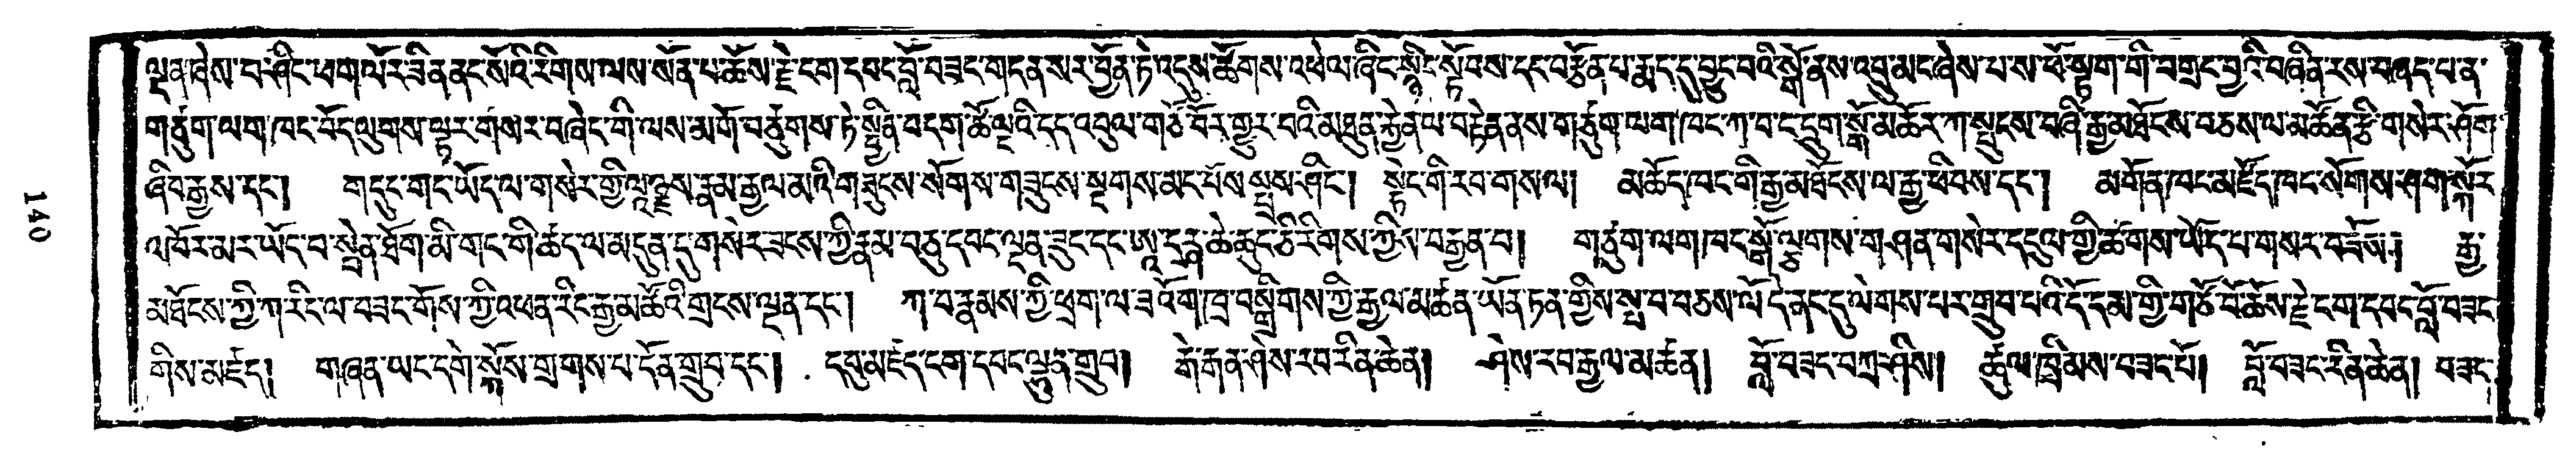ལྡན་ཞེས་པ་ཤིང་ཕག་ལོར་ཟིན་ནང་སོའི་རིགས་ལས་སོན་པ་ཆོས་རྗེ་ངག་དབང་བློ་བཟང་གདན་སར་བྱོན་ཏེ་འདུས་ཚོགས་འཕེལ་ཞིང་སྙིང་སྟོབས་དང་བརྩོན་པ་རྨད་དུ་བྱུང་བའི་སྒོ་ནས་འབྲུ་མང་ཞེས་པ་ས་ཕོ་སྟག་གི་བགྲང་བྱའི་བཞིན་རས་བཞད་པ་ན་
གཙུག་ལག་ཁང་བོད་ལུགས་ལྟར་གསར་བཞེད་གི་ལས་མགོ་བཙུགས་ཏེ་སྦྱིན་བདག་ཚོ་ལྔའི་དད་འབུལ་གཙོ་བོར་གྱུར་བའི་མཐུན་རྐྱེན་ལ་བརྟེན་ནས་གཙུག་ལག་ཁང་ཀ་བ་ང་དྲུག་སྒོ་མཆོར་ཀ་སྤུངས་བཞི་རྒྱ་མཚོངས་བཅས་ལ་མཚོན་རྩི་གསེར་ཤོག་
ཞིབ་རྒྱས་དང་། གདུང་གང་ཡོད་ལ་གསེར་གྱི་ལཱ་ཉྗས་རྣམ་རྒྱལ་མའི་གཟུངས་སོགས་གཟུངས་སྔགས་མང་པོས་སྤྲས་ཤིང་། སྟེང་གི་རབ་གསལ། མཆོད་ཁང་གི་རྒྱ་མཐོངས་ལ་རྒྱ་ཕིབས་དང་། མགོན་ཁང་མཛོད་ཁང་སོགས་ཤག་སྐོར་
འཁོར་མར་ཡོད་བ་སྦེན་ཐོག་མི་གང་གི་ཚད་ལ་མདུན་དུ་གསེར་ཟངས་ཀྱི་རྣམ་བཅུ་དབང་ལྡན་ཟུང་དང་ཨཱདྲྵ་ཆེ་ཆུང་ཅི་རིགས་ཀྱིས་བརྒྱན་པ། གཙུག་ལག་ཁང་སྒོ་ལྕགས་གཤན་གསེར་དངུལ་གྱི་ཚ་གས་ཡོད་པ་གསར་བཟོས། རྒྱ་
མཐོངས་ཀྱི་ཀ་རིང་ལ་བཟང་གོས་ཀྱི་འཕན་རིང་རྒྱ་མཚོའི་གྲངས་ལྡན་དང་། ཀ་བ་རྣམས་ཀྱི་ཕྲག་ལ་ཟ་འོག་ཁྲ་བསྒྲིགས་ཀྱི་རྒྱལ་མཚན་ཡོན་ཏན་གྱིས་སྤ་བ་བཅས་ལོ་དེ་ནང་དུ་ལེགས་པར་གྲུབ་པའི་དོ་དམ་གྱི་གཙོ་བོ་ཆོས་རྗེ་ངག་དབང་བློ་བཟང་
གིས་མཛད། གཞན་ཡང་དགེ་སྐོས་གྲགས་པ་དོན་གྲུབ་དང་། དབུ་མཛད་ངག་དབང་ལྷུན་གྲུབ། རྒེ་རྒན་ཤེས་རབ་རིན་ཆེན། ཤེས་རབ་རྒྱལ་མཚན། བློ་བཟང་བཀྲ་ཤིས། ཚུལ་ཁྲིམས་བཟང་པོ། བློ་བཟང་རིན་ཆེན། བཟད་